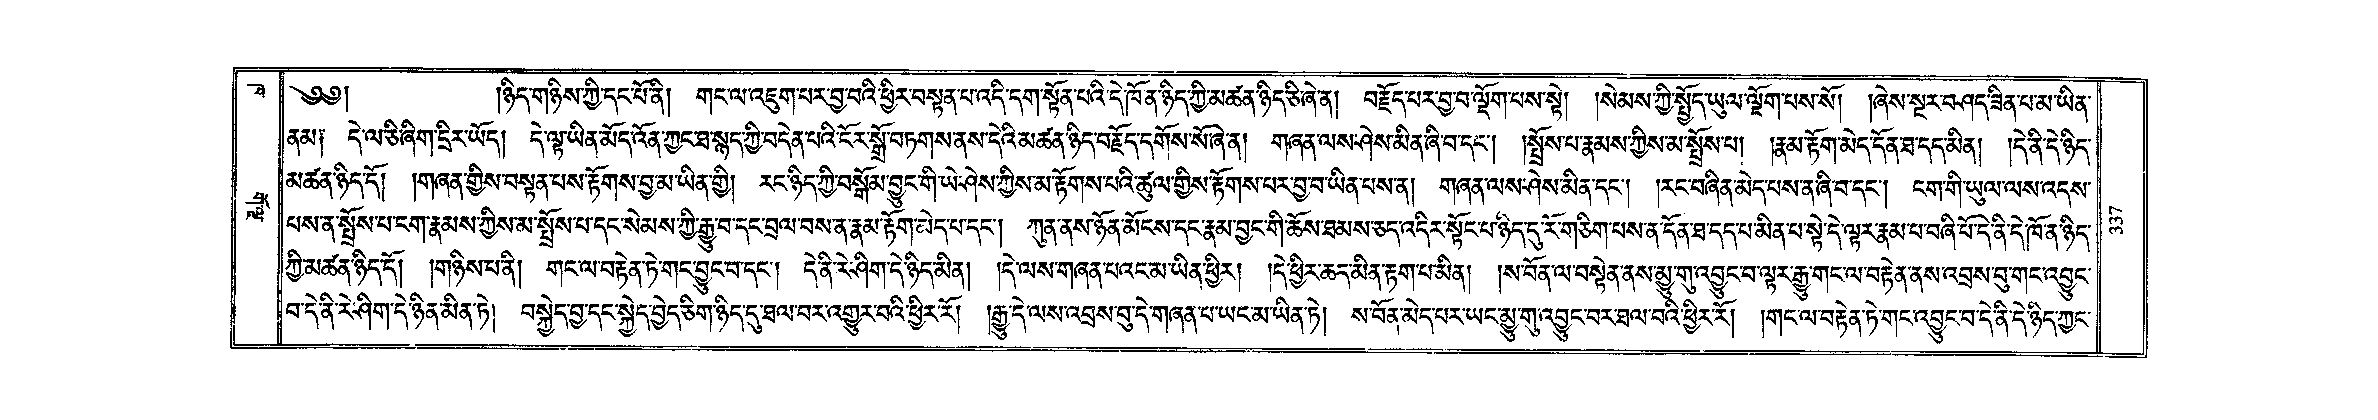༄༅། །ཉིད་གཉིས་ཀྱི་དང་པོ་ནི། གང་ལ་འཇུག་པར་བྱ་བའི་ཕྱིར་བསྟན་པ་འདི་དག་སྟོན་པའི་དེ་ཁོ་ན་ཉིད་ཀྱི་མཚན་ཉིད་ཅི་ཞེ་ན། བརྗོད་པར་བྱ་བ་ལྡོག་པས་སྟེ། །སེམས་ཀྱི་སྤྱོད་ཡུལ་ལྔོག་པས་སོ། །ཞེས་སྔར་བཤད་ཟིན་པ་མ་ཡིན་
ནམ༑ དེ་ལ་ཅི་ཞིག་དྲིར་ཡོད། དེ་ལྟ་ཡིན་མོད་འོན་ཀྱང་ཐ་སྙད་ཀྱི་བདེན་པའི་ངོར་སྒྲོ་བཏགས་ནས་དེའི་མཚན་ཉིད་བརྗོད་དགོས་སོ་ཞེ་ན། གཞན་ལས་ཤེས་མིན་ཞི་བ་དང་། །སྤྲོས་པ་རྣམས་ཀྱིས་མ་སྤྲོས་པ། །རྣམ་རྟོག་མེད་དོན་ཐ་དད་མིན། །དེ་ནི་དེ་ཉིད་
མཚན་ཉིད་དོ། །གཞན་གྱིས་བསྟན་པས་རྟོགས་བྱ་མ་ཡིན་གྱི། རང་ཉིད་ཀྱི་བསྒོམ་བྱུང་གི་ཡེ་ཤེས་ཀྱིས་མ་རྟོགས་པའི་ཚུལ་གྱིས་རྟོགས་པར་བྱ་བ་ཡིན་པས་ན། གཞན་ལས་ཤེས་མིན་དང་། །རང་བཞིན་མེད་པས་ན་ཞི་བ་དང་། ངག་གི་ཡུལ་ལས་འདས་
པས་ན་སྤྲོས་པ་ངག་རྣམས་ཀྱིས་མ་སྤྲོས་པ་དང་སེམས་ཀྱི་རྒྱུ་བ་དང་བྲལ་བས་ན་རྣམ་རྟོག་མེད་པ་དང་། ཀུན་ནས་ཉོན་མོངས་དང་རྣམ་བྱང་གི་ཆོས་ཐམས་ཅད་འདིར་སྟོང་པ་ཉིད་དུ་རོ་གཅིག་པས་ན་དོན་ཐ་དད་པ་མིན་པ་སྟེ་དེ་ལྟར་རྣམ་པ་བཞི་པོ་དེ་ནི་དེ་ཁོ་ན་ཉིད་
ཀྱི་མཚན་ཉིད་དོ། །གཉིས་པ་ནི། གང་ལ་བརྟེན་ཏེ་གང་བྱུང་བ་དང་། དེ་ནི་རེ་ཤིག་དེ་ཉིད་མིན། །དེ་ལས་གཞན་པའང་མ་ཡིན་ཕྱིར། །དེ་ཕྱིར་ཆད་མིན་རྟག་པ་མིན། །ས་བོན་ལ་བསྟེན་ནས་མྱུ་གུ་འབྱུང་བ་ལྟར་རྒྱུ་གང་ལ་བརྟེན་ནས་འབྲས་བུ་གང་འབྱུང་
བ་དེ་ནི་རེ་ཤིག་དེ་ཉིན་མིན་ཏེ། བསྐྱེད་བྱ་དང་སྐྱེད་བྱེད་ཅིག་ཉིད་དུ་ཐལ་བར་འགྱུར་བའི་ཕྱིར་རོ། །རྒྱུ་དེ་ལས་འབྲས་བུ་དེ་གཞན་པ་ཡང་མ་ཡིན་ཏེ། ས་བོན་མེད་པར་ཡང་མྱུ་གུ་འབྱུང་བར་ཐལ་བའི་ཕྱིར་རོ། །གང་ལ་བརྟེན་ཏེ་གང་འབྱུང་བ་དེ་ནི་དེ་ཉིད་ཀྱང་